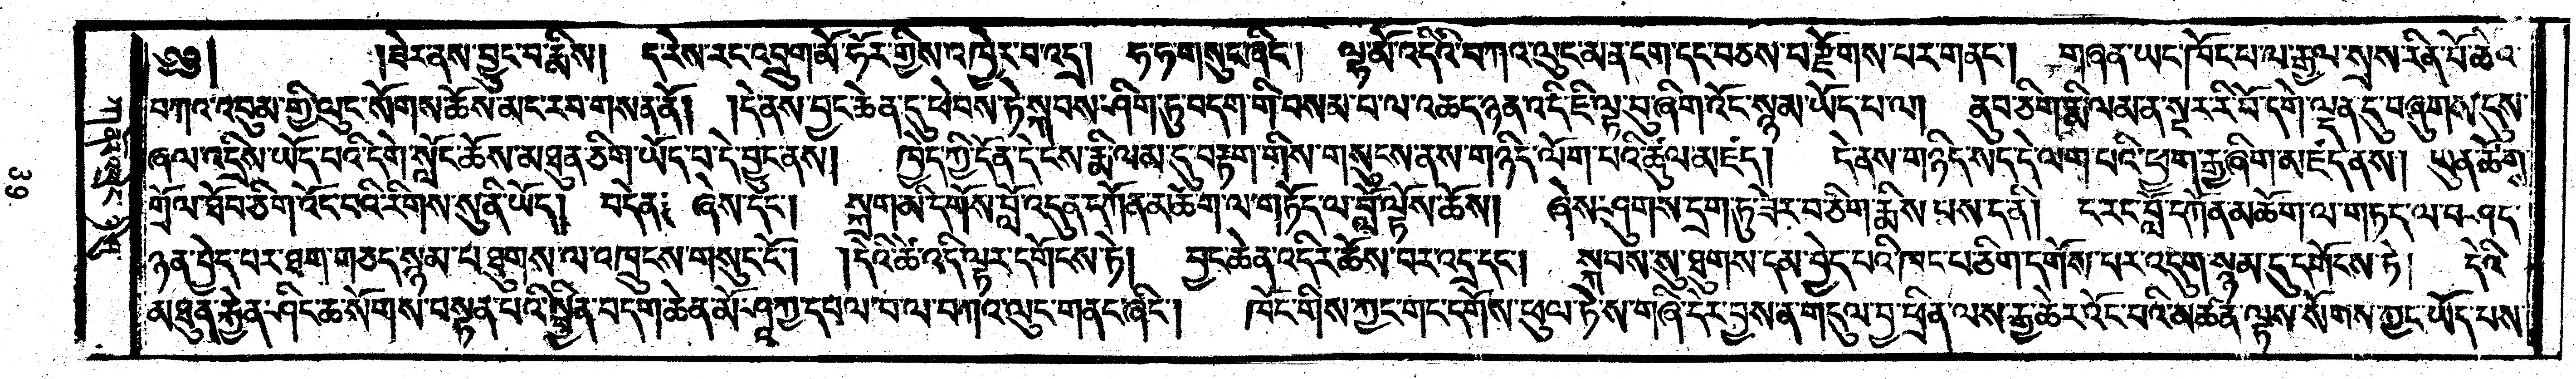༄༅། །ཟེར་ནས་བྱུང་བ་རྨིས། ད་རེས་རང་འབྲུག་མོ་ཧོར་གྱིས་འཁྱེར་བ་འདྲ། ཧ་ཧ་གསུང་ཞིང་། ལྷ་མོ་འདིའི་བཀའ་ལུང་མན་ངག་དང་བཅས་པ་རྫོགས་པར་གནང་། གཞན་ཡང་ཁོང་པ་ལ་རྒྱལ་སྲས་རིན་པོ་ཆེའི་
བཀའ་འབུམ་གྱི་ལུང་སོགས་ཆོས་མང་རབ་གསན་ནོ། །དེ་ནས་བྱང་ཆེན་དུ་ཕེབས་ཏེ་སྐབས་ཤིག་ཏུ་བདག་གི་བསམ་པ་ལ་འཆད་ཉན་འདི་ཇི་ལྟ་བུ་ཞིག་འོང་སྙམ་ཡོད་པ་ལ། ནུབ་ཅིག་རྨི་ལམ་ན་སྔར་རི་བོ་དགེ་ལྡན་དུ་བཞུགས་དུས་
ཞལ་འདྲིས་ཡོད་པའི་དགེ་སློང་ཆོས་མཐུན་ཅིག་ཡོད་པ་དེ་བྱུང་ནས། ཁྱེད་ཀྱི་དོན་དེ་ངས་རྨི་ལམ་དུ་བརྟག་གིས་གསུངས་ནས་གཉིད་ལོག་པའི་ཚུལ་མཛད། དེ་ནས་གཉིད་སད་དེ་ལག་པའི་ཕྱག་རྒྱ་ཞིག་མཛད་ནས། ཡུན་ཚོགས་
གྲོལ་ཐོབ་ཅིག་འོང་པའི་རིགས་སུ་ནི་ཡོད། བདེན༑ ཞེས་དང་། སྐྲག་མི་དགོས་བློ་འདུན་དཀོན་མཆོག་ལ་གཏོད་ལ་བློ་ལྟོས་ཆོས། ཞེས་ཤུགས་དྲག་ཏུ་ཟེར་བ་ཅིག་རྨིས་པས་ད་ནི། ང་རང་བློ་དཀོན་མཆོག་ལ་གཏད་ལ་བཤད་
ཉན་བྱེད་པར་ཐག་གཅད་སྙམ་པ་ཐུགས་ལ་འཁྲུངས་གསུང་ངོ། །དེའི་ཚེ་འདི་ལྟར་དགོངས་ཏེ། བྱང་ཆེན་འདིར་ཆོས་པར་འདྲ་དང་། སྐབས་སུ་ཐུགས་དམ་བྱེད་པའི་ཁང་པ་ཅིག་དགོས་པར་འདུག་སྙམ་དུ་དགོངས་ཏེ། དེའི་
མཐུན་རྐྱེན་ཤིང་ཆ་སོགས་བསྟན་པའི་སྦྱིན་བདག་ཆེན་མོ་ཤཱཀྱ་དཔལ་པ་ལ་བཀའ་ལུང་གནང་ཞིང་། ཁོང་གིས་ཀྱང་གང་དགོས་ཕུལ་ཏེ་ས་གཞི་དེར་བྱས་ན་གདུལ་བྱ་ཕྲིན་ལས་རྒྱ་ཆེར་འོང་བའི་མཚན་ལྟས་སོགས་ཀྱང་ཡོད་པས་